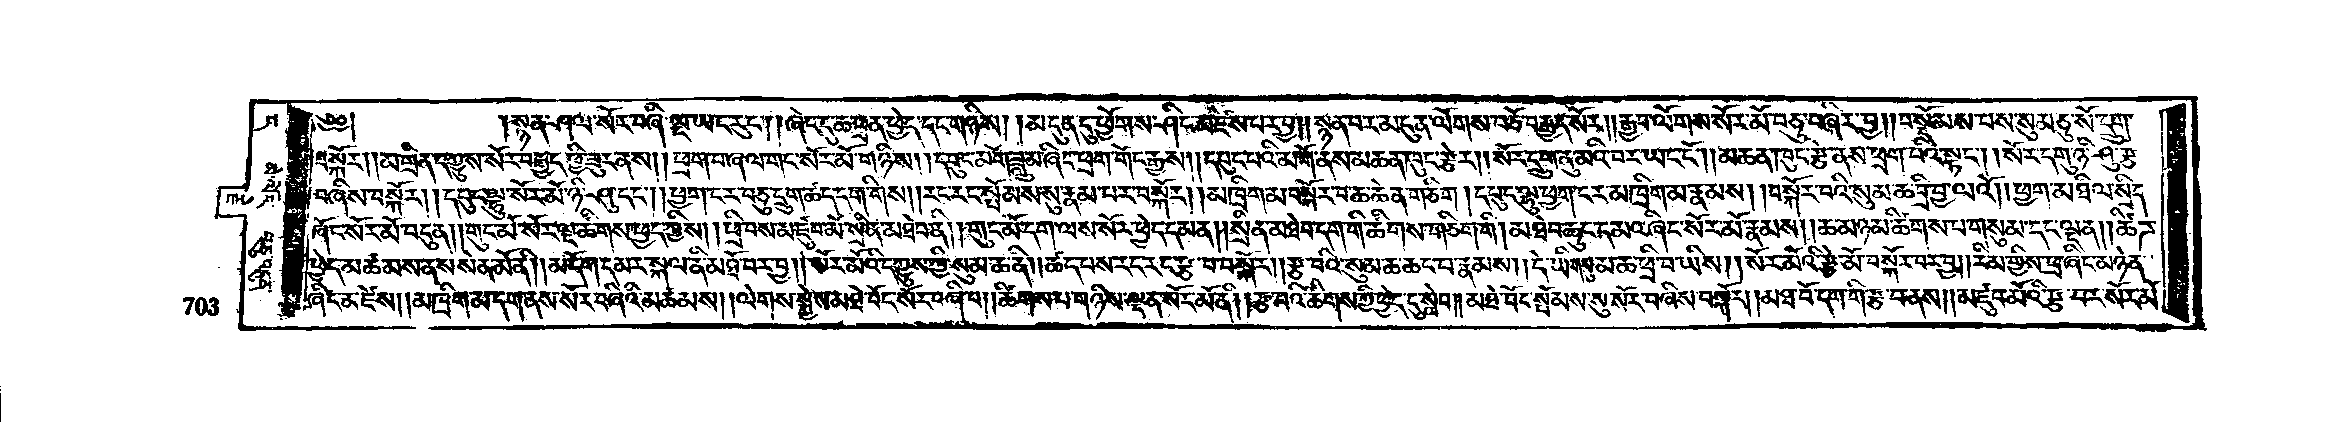༄༅། །སྙན་ཤལ་སོར་བཞི་ལྔ་ཡང་རུང་། །ཞེང་དུ་ཆ་ཕྲན་ཕྱེད་དང་གཉིས། །མདུན་དུ་ཕྱོགས་ཤིང་མཛེས་པར་བྱ། །སྙན་བར་མདུན་ལོགས་བཅོ་བརྒྱད་སོར། །རྒྱབ་ལོགས་སོར་མོ་བཅུ་བཞིར་བྱ། །བསྡོམས་པས་སུམ་ཅུ་སོ་དྲུག་
བསྐོར། །མགྲིན་དཀྱུས་སོར་བརྒྱད་ཕྱི་ཟུར་ནས། །ཕྲག་པ་ཞལ་གང་སོར་མོ་གཉིས། །དཔུང་མགོ་ཟླུམ་ཞིང་ཕྲག་གོང་རྒྱས། །དཔུང་པའི་མགོ་ནས་མཆན་ཁུང་རྩེར། །སོར་དྲུག་ནུ་མའི་བར་ཡང་ངོ། །མཆན་ཁུང་རྩེ་ནས་ཕྲག་པའི་སྟང་། །སོར་དགུ་ཉི་ཤུ་རྩ་
བཞིས་བསྐོར། །དཔུང་ལྷུ་སོར་མོ་ཉི་ཤུ་དང་། །ཕྱག་ངར་བཅུ་དྲུག་ཚད་དག་གིས། །རང་རང་སྤོམས་སུ་རྣམ་པར་བསྐོར། །མཁྲིག་མ་བསྐོར་བ་ཆ་ཆེན་གཅིག །དཔུང་ལྷུ་ཕྱག་ངར་མཁྲིག་མ་རྣམས། །བསྐོར་བའི་སུམ་ཆ་བྲི་བྱ་ལའོ། །ཕྱག་མཐིལ་སྲིད་
ཞོང་སོར་མོ་བདུན། །གུང་མོ་སོར་ལྔ་ཚིགས་ཕྱད་ཀྱིས། །ཕྲི་བས་མཛུབ་མོ་སྲིན་མཐེབ་ནི། །གུང་མོ་དག་ལས་སོར་ཕྱེད་དམན། །སྲིན་མཐེབ་དག་གི་ཚིགས་གཅིག་གི །མཐེབ་ཆུང་དམའ་ཞིང་སོར་མོ་རྣམས། །ཆ་མཉམ་ཚིགས་པ་གསུམ་དང་ལྡན། །ཚིགས་
ཕྱེད་མཚམས་ནས་སེན་མོ་ནི། །མདོག་དམར་སྐལ་ནི་མཐོ་བར་བྱ། །སོར་མོའི་དཀྱུས་ཀྱི་སུམ་ཆ་ནི། །ཚད་པས་རང་རང་རྩ་བ་བསྐོར། །རྩ་བའི་སུམ་ཆ་ཆད་པ་རྣམས། །དེ་ཡི་གསུམ་ཆ་ཕྲི་བ་ཡིས། །སོར་མོའི་རྩེ་མོ་བསྐོར་བར་བྱ། །རིམ་གྱིས་ཕྲ་ཞིང་མཉེན་
ཞིང་མཛེས། །མཁྲིག་མ་དག་ནས་སོར་བཞིའི་མཚམས། །ལེགས་སྐྱེས་མཐེ་བོང་སོར་བཞི་པ། །ཚིགས་པ་གཉིས་ལྡན་སོར་མོ་ནི། །རྩ་བའི་ཚིགས་ཀྱི་ཕྱེད་དུ་སླེབ། །མཐེ་བོང་སྤོམས་སུ་སོར་བཞིས་བསྐོར། །མཐེ་བོ་དག་གི་རྩ་བ་ནས། །མཛུབ་མོའི་རྩ་བར་སོར་མོ་